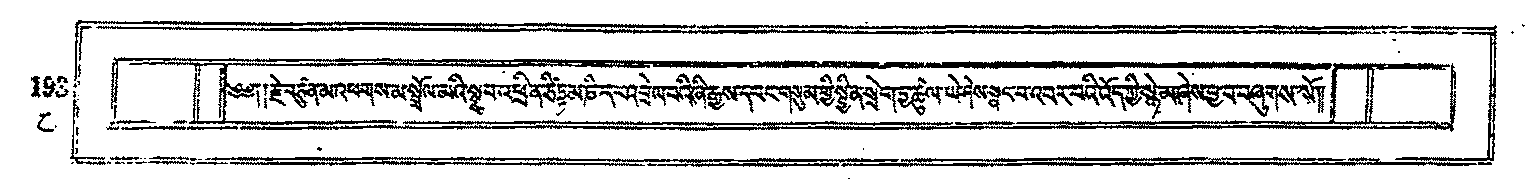༄༅། །རྗེ་བཙུན་མ་འཕགས་མ་སྒྲོལ་མའི་སྒྲུབ་འཕྲིན་ཙིཏྟ་མ་ཎི་དང་འབྲེལ་བའི་ཞི་རྒྱས་དབང་གསུམ་གྱི་སྦྱིན་སྲེག་བྱ་ཚུལ་ཡེ་ཤེས་སྣང་བ་འབར་བའི་འོད་ཀྱི་སྙེ་མ་ཞེས་བྱ་བ་བཞུགས་སོ།།